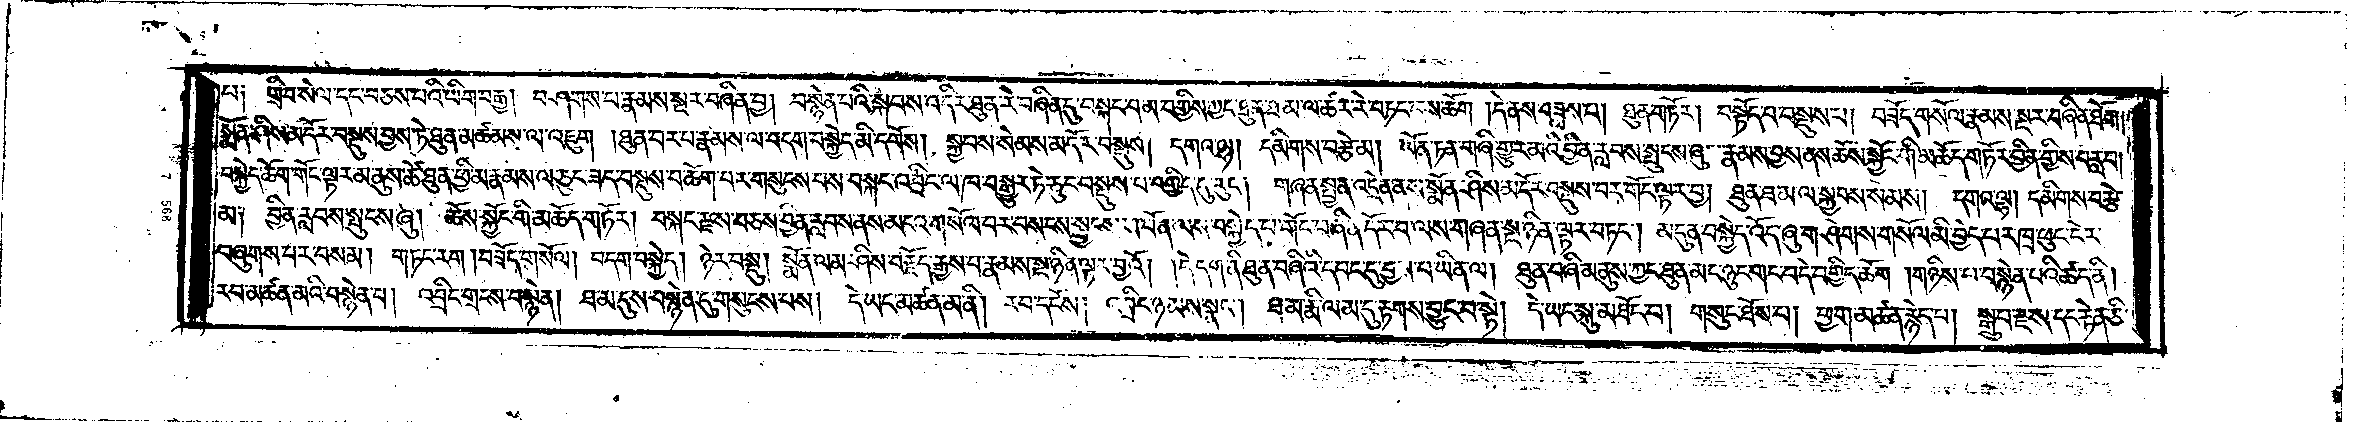པ༑ གྲིབ་སེལ་དང་བཅས་པའི་ཡིག་བརྒྱ། བཤགས་པ་རྣམས་སྔར་བཞིན་བྱ། བསྙེན་པའི་སྐབས་འདིར་ཐུན་རེ་བཞིན་དུ་བསྐང་བ་མ་བགྱིས་ཀྱང་ཐུན་ཐ་མ་ལ་ཚར་རེ་བཏང་བས་ཆོག །དེ་ནས་བཟླས་པ། ཐུན་གཏོར། བསྟོད་པ་བསྡུས་པ། བཟོད་གསོལ་རྣམས་སྔར་བཞིན་ཐོག །
སྨོན་ཤིས་མདོར་བསྡུས་བྱས་ཏེ་ཐུན་མཚམས་ལ་འཇུག །ཐུན་བར་པ་རྣམས་ལ་བདག་བསྐྱེད་མི་དགོས། སྐྱབས་སེམས་མདོར་བསྡུས། དགའ་ལྷ། དམིགས་བརྩེ་མ། ཡོན་ཏན་གཞི་གྱུར་མའི་བྱིན་རླབས་སྤུངས་ཞུ་རྣམས་བྱས་ནས་ཆོས་སྐྱོང་གི་མཆོད་གཏོར་བྱིན་གྱིས་བརླབ།
བསྐྱེད་ཆོག་གོང་ལྟར་མ་ནུས་ཆོ་ཐུན་ཕྱི་མ་རྣམས་ལ་ཅུང་ཟད་བསྡུས་པ་ཆོག་པར་གསུངས་པས་བསྐང་འབྲིང་ལ་ཁ་བསྒྱུར་ཏེ་ཅུང་བསྡུས་པ་བགྱིད་དུ་རུང་། གཞན་སྤྱན་འདྲེན་ནས་སྨོན་ཤིས་མདོར་བསྡུས་པར་གོང་ལྟར་བྱ། ཐུན་ཐ་མ་ལ་སྐྱབས་སེམས། དགའ་ལྷ། དམིགས་བརྩེ་
མ༑ བྱིན་རླབས་སྤུངས་ཞུ། ཆོས་སྐྱོང་གི་མཆོད་གཏོར། བསྐང་རྫས་བཅས་བྱིན་རླབས་ནས་མངའ་གསོལ་བར་བསངས་སྦྱངས་ས་བོན་ལས་བསྐྱེད་པ་གོང་བཞིན་དོར་བ་ལས་གཞན་སྔ་ཉིན་ལྟར་བཏང་། མདུན་བསྐྱེད་འོད་ཞུ་གཤེགས་གསོལ་མི་བྱེད་པར་ཁྲ་ཕུང་ངེར་
བཞུགས་བར་བསམ། གཏང་རག །བཟོད་གསོལ། བདག་བསྐྱེད། ཉེར་བསྡུ། སྨོན་ལམ་ཤིས་བརྗོད་རྒྱས་པ་རྣམས་སྔ་ཉིན་ལྟར་བྱའོ། །དེ་དག་ནི་ཐུན་བཞིའི་དབང་དུ་བྱས་པ་ཡིན་ལ། ཐུན་བཞི་མ་ནུས་ཀྱང་ཐུན་མང་ཉུང་གང་བདེ་བགྱིད་ཆོག །གཉིས་པ་བསྙེན་པའི་ཚད་ནི།
རབ་མཚན་མའི་བསྙེན་པ། འབྲིང་གྲངས་བསྙེན། ཐ་མ་དུས་བསྙེན་དུ་གསུངས་པས། དེ་ཡང་མཚན་མ་ནི། རབ་དངོས། འབྲིང་ཉམས་སྣང་། ཐ་མ་རྨི་ལམ་དུ་རྟགས་བྱུང་བ་སྟེ། དེ་ཡང་སྐུ་མཐོང་བ། གསུང་ཐོས་པ། ཕྱག་མཚན་རྙེད་བ། སྒྲུབ་རྫས་དང་རྟེན་ཅི་